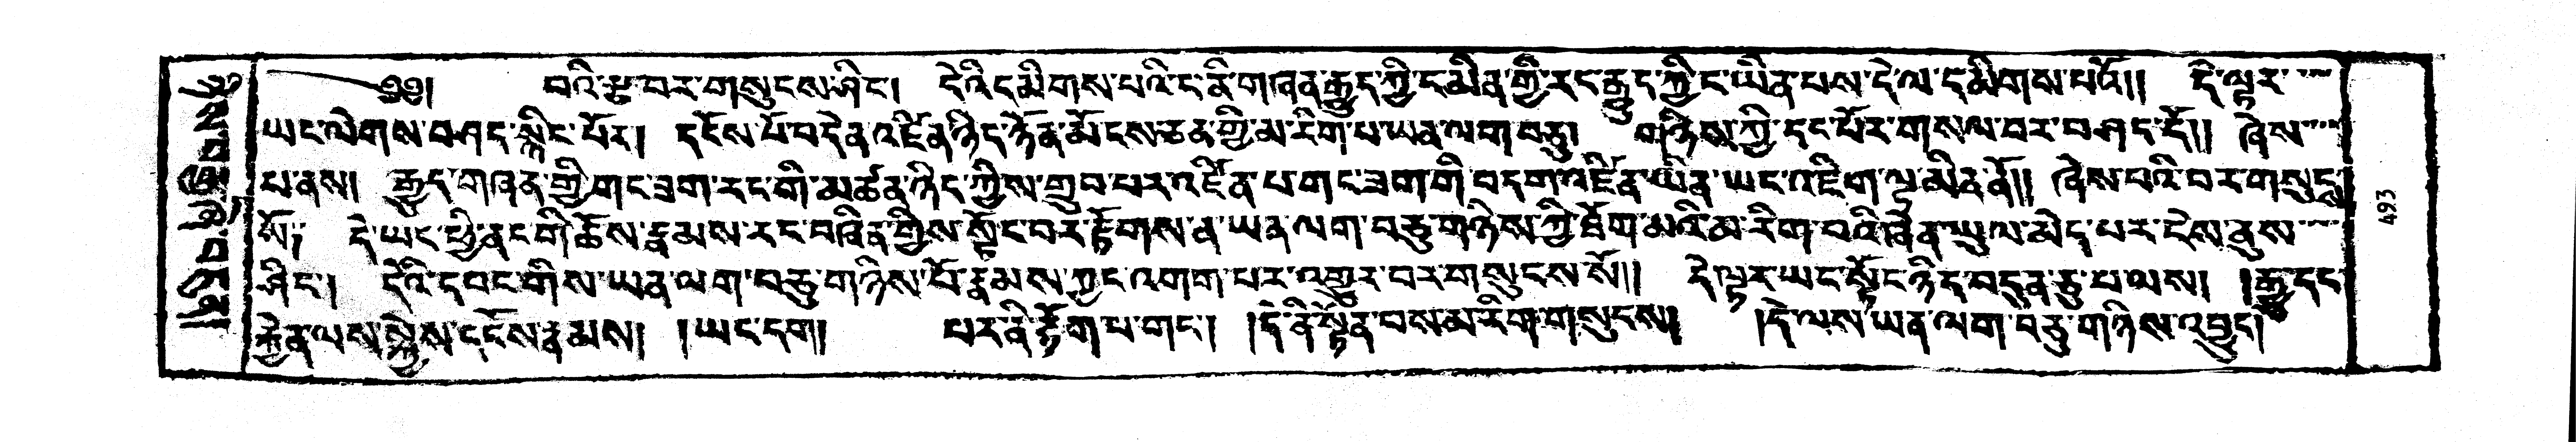༄༅། །བའི་རྩ་བར་གསུངས་ཤིང་། དེའི་དམིགས་པའི་ད་ནི་གཞན་རྒྱུད་ཀྱི་ང་མིན་གྱི་རང་རྒྱུད་ཀྱི་ང་ཡིན་པས་དེ་ལ་དམིགས་པའོ། །དེ་ལྟར་
ཡང་ལེགས་བཤད་སྙིང་པོར། དངོས་པོ་བདེན་འཛིན་ཉིད་ཉོན་མོངས་ཅན་གྱི་མ་རིག་པ་ཡན་ལག་བཅུ། གཉིས་ཀྱི་དང་པོར་གསལ་བར་བཤད་དོ། །ཞེས་
པ་ནས། རྒྱུད་གཞན་གྱི་གང་ཟག་རང་གི་མཚན་ཉིད་ཀྱིས་གྲུབ་པར་འཛིན་པ་གང་ཟག་གི་བདག་འཛིན་ཡིན་ཡང་འཇིག་ལྟ་མིན་ནོ། །ཞེས་པའི་བར་གསུངས་
སོ༑ དེ་ཡང་ཕྱི་ནང་གི་ཆོས་རྣམས་རང་བཞིན་གྱིས་སྟོང་བར་རྟོགས་ན་ཡན་ལག་བཅུ་གཉིས་ཀྱི་ཐོག་མའི་མ་རིག་པའི་ཞེན་ཡུལ་མེད་པར་དེས་ནུས་
ཤིང་། དེའི་དབང་གིས་ཡན་ལག་བཅུ་གཉིས་པོ་རྣམས་ཀྱང་འགག་པར་འགྱུར་བར་གསུངས་སོ། །དེ་ལྟར་ཡང་སྟོང་ཉིད་བདུན་ཅུ་པ་ལས། །རྒྱུ་དང་
རྐྱེན་ལས་སྐྱེས་དངོས་རྣམས། །ཡང་དག། པར་ནི་རྟོག་པ་གང་། །དེ་ནི་སྟོན་བས་མ་རིག་གསུངས། །དེ་ལས་ཡན་ལག་བཅུ་གཉིས་འབྱུང་།